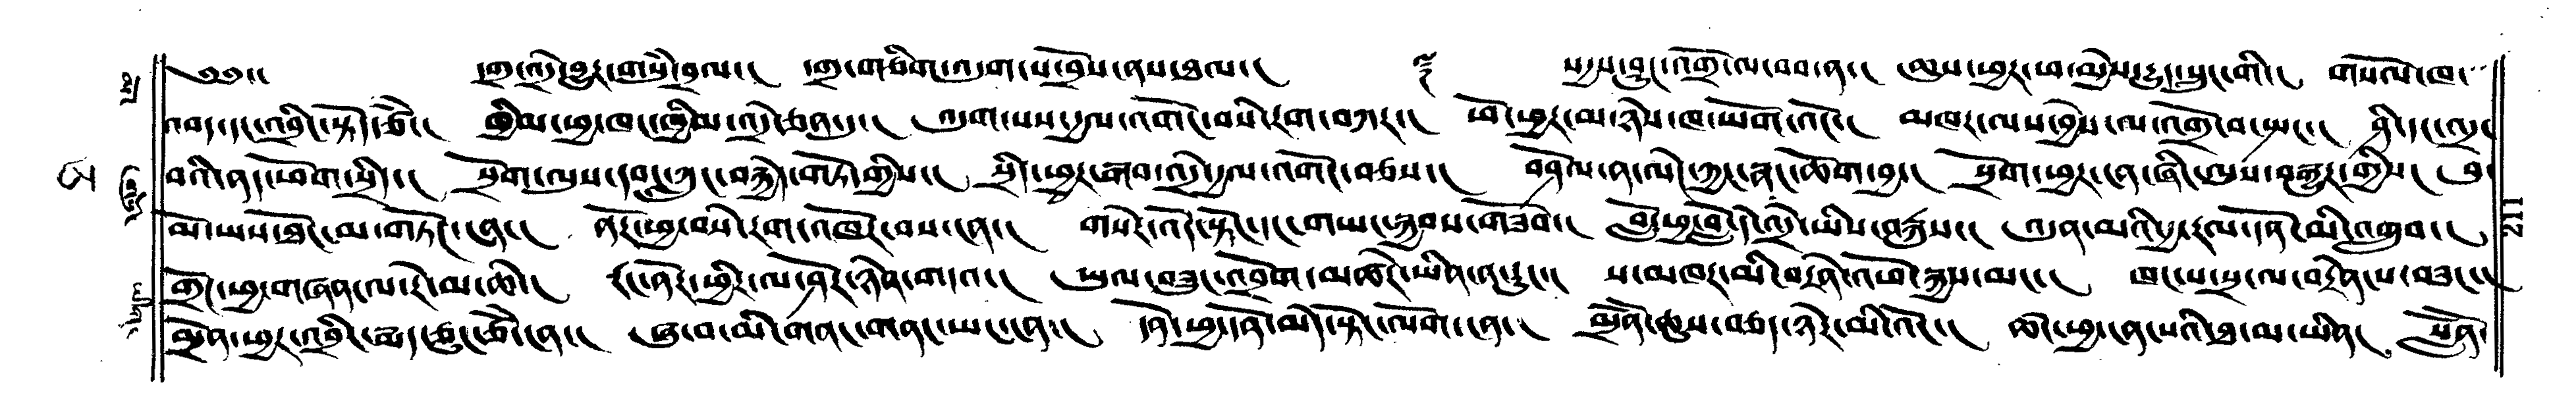དགྲ་འདྲེ་བྱུར་གསུམ་བྲལ། །དགྲ་གཅིག་འདུག་པ་བྲོས་ནས་ཐལ། ༈ སངས་རྒྱས་ཤུགས་འགྲོ་ལ་བབས་ན། །ཆུས་ཕྱྭར་ཕ་མྱེས་རྒྱུད་སྲུང་གི།གསོལ་ཁར་
འབད་དང་འབྲིང་སྟོད་ཙམ། ཁྱིམ་ཕྱྭ་ཁང་ཁྱིམ་འདྲེ་ཅན་དུ། །འདུག་པས་རྒྱལ་འགོང་བསེ་རག་བཀར། །ཕོ་ཕྱྭར་མ་ཉེས་ཁ་ཡོག་འོང་། །མཁར་ལས་བྱེས་ལ་འགྲོ་བ་སྤང་། །ཤི་དང་འདྲ་
བའི་ནད་ཕོག་སྲིད། །སྲོག་ལུས་དབང་ཀླུང་བསྐྱེད་གཏོད་གྱིས། །སྲིད་ཕྱྭར་སྒབ་འདྲེ་རྒྱལ་འགོང་བཅས། །བཤོལ་ན་ལེགས་ཀྱང་སྣང་ཆོག་བྱ། །སྲོག་ཕྱྭར་ངན་ཞིང་ལུས་བསྒྱུར་གྱིས། །བུ་
མོ་ཡས་ཐོང་མ་གཏོགས་ངན། །ནོར་ཕྱྭ་བསེ་རགས་འཁོར་བས་ངན། །གསེར་འོད་སྟོང་དང་གཡང་སྐྱབས་གཟོབ། །བློ་ཕྱྭ་བློ་དེ་འདྲེ་ཡིས་བརྐུས། །འདུན་མའི་རྒྱ་རལ་དོན་མི་འགྲུབ། །
གྲོགས་ཕྱྭ་གཞན་ལ་རེ་མ་ཆི། །རང་ནོར་ཕྱིར་ལ་ཤོར་ཉེན་གདའ། །ཡུལ་བཟུང་འབྲོག་མཚེར་ཡིན་ན་རུང་། །ས་མཁར་མི་བརྟེན་འཕོ་སྐྱས་མང་། ཁང་པ་སྲ་ལ་བརྟེན་པ་བཟང་། །
མགྲོན་ཕྱྭར་འབྲིང་སྨད་ཅུང་ཙམ་ངན། །ཞུ་བ་མི་གནང་གནང་ཡང་ངན། །དོན་ཕྱྭ་དོན་མེད་སྟོང་ལོག་ངན། །མགྲཽན་པོ་ཆུས་བཅད་ཉེར་མི་འོང་། །ཚོང་ཕྱྭ་ངན་པའི་ཐ་མ་ཡིན། །སློབ་དཔོན་